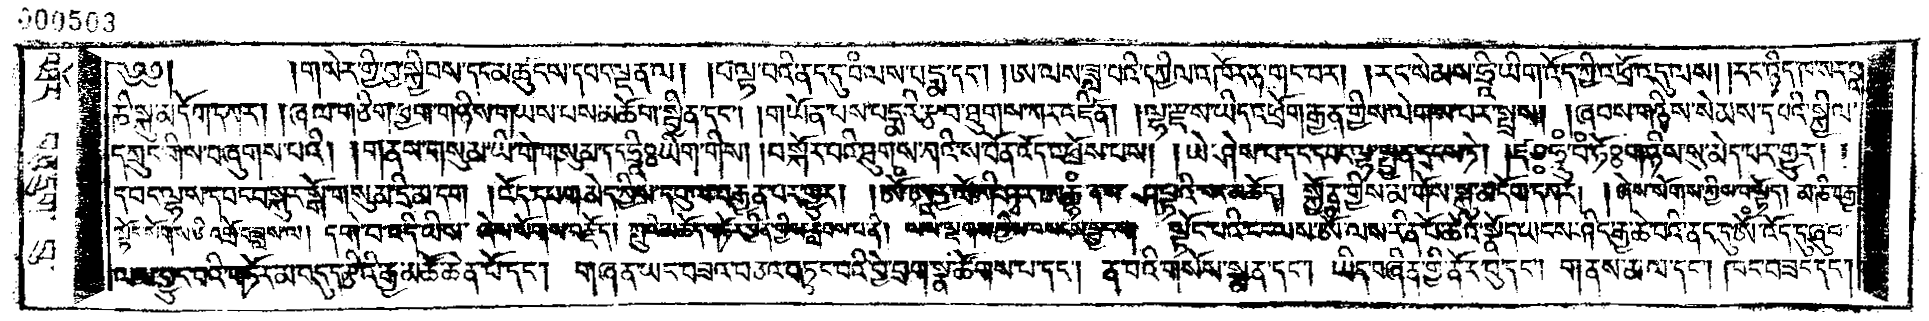༄༅། །གསེར་གྱི་བྱ་སྐྱིབས་དང་མཚུངས་དབང་ལྡན་ལ། །བལྟ་བའི་ནང་དུ་བཾ་ལས་པདམ་དང་། །ཨ་ལས་ཟླ་བའི་དཀྱིལ་འཁོར་ཉ་གང་བར། །རང་སེམས་ཧྲཱི་ཡིག་འོད་ཀྱི་འཕྲོ་འདུ་ལས། །རང་ཉིད་ཁ་སར་པཱ་
ཎི་སྐུ་མདོག་དཀར། །ཞལ་གཅིག་ཕྱག་གཉིས་གཡས་པས་མཆོག་སྦྱིན་དང་། །གཡོན་པས་པདམའི་རྩ་བ་ཐུགས་ཀར་འཛིན། །ལྷ་རྫས་ཡིད་འཕྲོག་རྒྱན་གྱིས་ལེགས་པར་སྤྲས། །ཞབས་གཉིས་སེམས་དཔའི་སྐྱིལ་
དཀྲུང་གིས་བཞུགས་པའི། །གནས་གསུམ་ཡི་གེ་གསུམ་དང་ཧྲཱིཿ ཡིག་གིས། །བསྐོར་བའི་ཐུགས་ཀའི་ས་བོན་འོད་འཕྲོས་པས། །ཡེ་ཤེས་པ་དང་དབང་ལྷ་སྤྱན་དྲངས་ཏེ། །ཛཿ ཧཱུཾ་བཾ་ཧོཿ གཉིས་སུ་མེད་པར་གྱུར། །
དབང་ལྷས་དབང་བསྐུར་སྒོ་གསུམ་དྲི་མ་དག །འོད་དཔག་མེད་ཀྱིས་དབུ་ལ་བརྒྱན་པར་གྱུར། །ཨོཾ་ཨཱརྒྱ་ལོ་ཀི་ཤྭ་ར་ཨརྒྷཾ་ནས་ཤཔྟའི་བར་མཆོད།  སྐྱོན་གྱིས་མ་གོས་སྐུ་མདོག་དཀར། །ཞེས་སོགས་ཀྱིས་བསྟོད། མ་ཎི་བརྒྱ་
སྟོང་སོགས་ཅི་འགྲོ་བཟླས་ལ། དགེ་བ་འདི་ཡིས་ཞེས་སོགས་བརྗོད། ཀླུའི་མཆོད་གཏོར་བྱིན་གྱིས་རླབས་པ་ནི། ལས་སྔགས་ཀྱིས་བསངས་སྦྱངས།  སྟོང་པའི་ངང་ལས་ཨོཾ་ལས་རིན་པོ་ཆེའི་སྣོད་ཡངས་ཤིང་རྒྱ་ཆེ་བའི་ནང་དུ་ཨོཾ་འོད་དུ་ཞུ་བ་
ལས་བྱུང་བའི་གཏོར་མ་བདུད་རྩིའི་རྒྱ་མཚོ་ཆེན་པོ་དང་། གཞན་ཡང་བཟའ་བཅའ་བཏུང་བའི་བྱེ་བྲག་སྣ་ཚོགས་པ་དང་། ན་བའི་གསོས་སྨན་དང་། ཡིད་བཞིན་གྱི་ནོར་བུ་དང་། གནས་མལ་དང་། ཁང་བཟང་དང་།